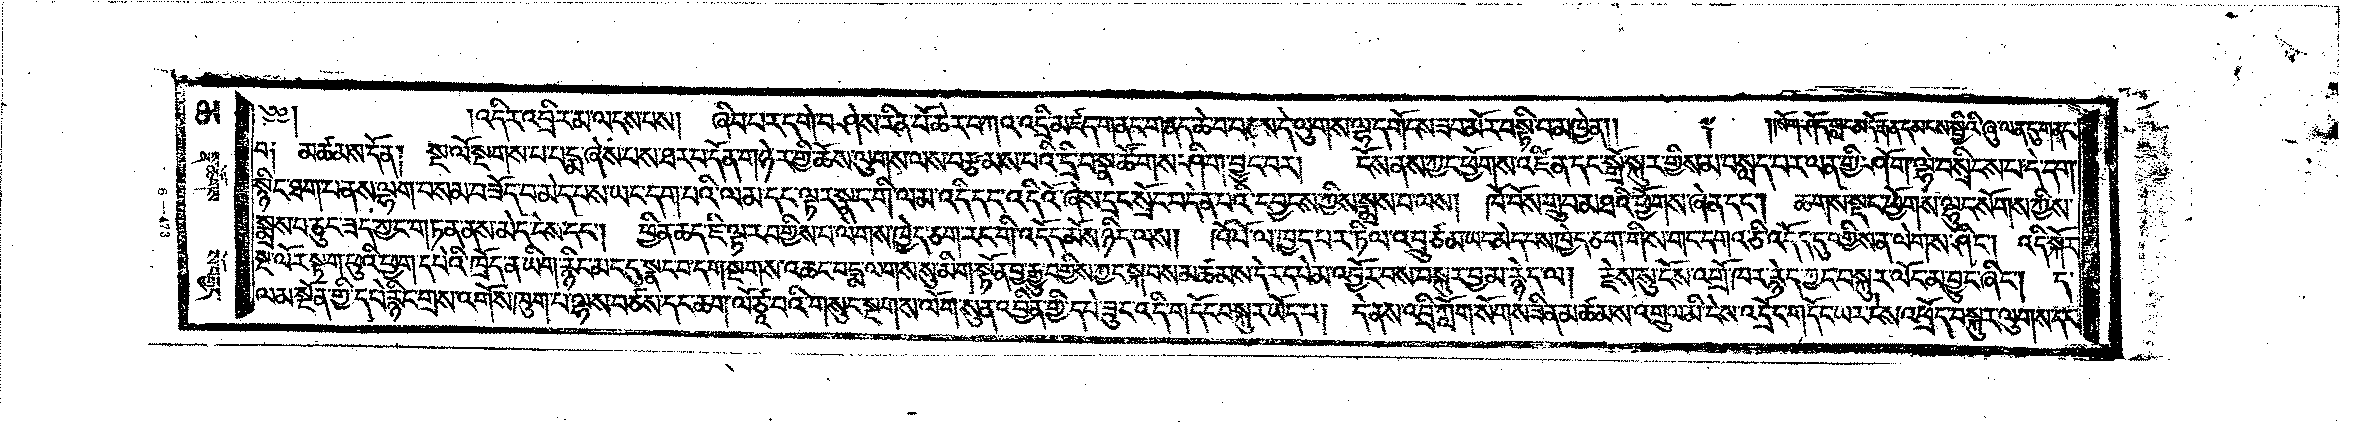༄༅། །འདིར་འབྲིར་མ་ལངས་པས། ཞིབ་པར་དགེ་བཤེས་རིན་པོ་ཆེར་བཀའ་འདྲི་མཛད་གནང་གནད་ཆེ་བ་བཅས་དེ་ལུགས་ལྷ་དགོངས་ཟབ་མོར་བསྟིབ་མཁྱེན།། ༈ །།སོག་ཤོད་གླང་མདོ་རྒན་དམངས་སྤྱིའི་ཞུ་ལན་དུ་གནང་
བ༑ མཚམས་དོན། སྔ་ལོ་སྔགས་པ་པདམ་ཞེས་པས་ཐར་པ་དོན་གཉེར་གྱི་ཆོས་ལུགས་ལས་བརྩམས་པའི་དྲི་བ་སྣ་ཚོགས་ཤིག་བྱུང་བར། ངོས་ནས་ཀྱང་ཕྱོགས་འཛིན་དང་སྒྲོ་སྐུར་གྱིས་མ་བསླད་པར་ལན་གྱི་ཤོག་ལྷེ་བསྲིངས་པ་དེ་དག་
སྙིང་ཐག་པ་ནས་ལྷག་བསམ་བཟོད་པ་མེད་པས་ཡང་དག་པའི་ལམ་དང་ལྟར་སྣང་གི་ལམ་འདི་དང་འདིའོ་ཞེས་དྲང་སྲོང་བདེན་པའི་དབྱངས་ཀྱིས་སྨྲས་པ་ལས། ཁོ་བོས་གྲུབ་མཐའི་ཕྱོགས་ཞེན་དང་། ཆགས་སྡང་ཕྱོགས་ལྷུང་སོགས་ཀྱིས་
སྨྲས་པ་ཅུང་ཟད་ཀྱང་གཏན་ནས་མེད་ངེས་དང་། ཕྱིན་ཆད་ཇི་ལྟར་བགྱིས་པ་ལེགས་ཁྱེད་ཅག་རང་གི་འདོད་མོས་ཉིད་ལས། ཁོ་བོ་ལ་ཁྱད་པར་ཏིལ་འབྲུ་ཙམ་ཡང་མེད་པས་ཁྱེད་ཅག་གིས་གང་དགའ་ཅི་འདོད་དུ་བགྱིས་ན་ལེགས་ཤིང་། འདི་སྐོར་
སྔ་ལོར་སྟག་ཕུའི་ཕྱག་དཔེའི་ཁྲོད་ན་ཡིག་རྙིང་མང་དུ་སྣང་བ་དག་སྔགས་འཆང་པདམ་ལགས་སུ་མིག་སྟོན་བྱ་རྒྱུ་བགྱིས་ཀྱང་སྐབས་མཚམས་དེར་དཔེ་མ་འབྱོར་བས་བསྐུར་བྱ་མ་རྙེད་ལ། རྗེས་སུ་ངོས་འགྲོ་ཁར་རྙེད་ཀྱང་བསྐུར་ལོང་མ་བྱུང་ཞིང་། ད་
ལམ་སྔོན་གྱི་དཔེ་རྙིང་གྲས་འགོས་ཁུག་པ་ལྷས་བཙས་དང་ཆག་ལོ་ཙཱ་བའི་གསུང་སྔགས་ལོག་སུན་འབྱིན་གྱི་དཔེ་ཟུང་འདི་གདོང་བསྐུར་ཡོད་པ། དེ་ནས་འབྲི་ཀློག་སོགས་ཟིན་མཚམས་འགྲུལ་མི་ངེས་འདོང་གདོང་ཡར་ངེས་འཕྲོད་བསྐུར་ལུགས་དང་